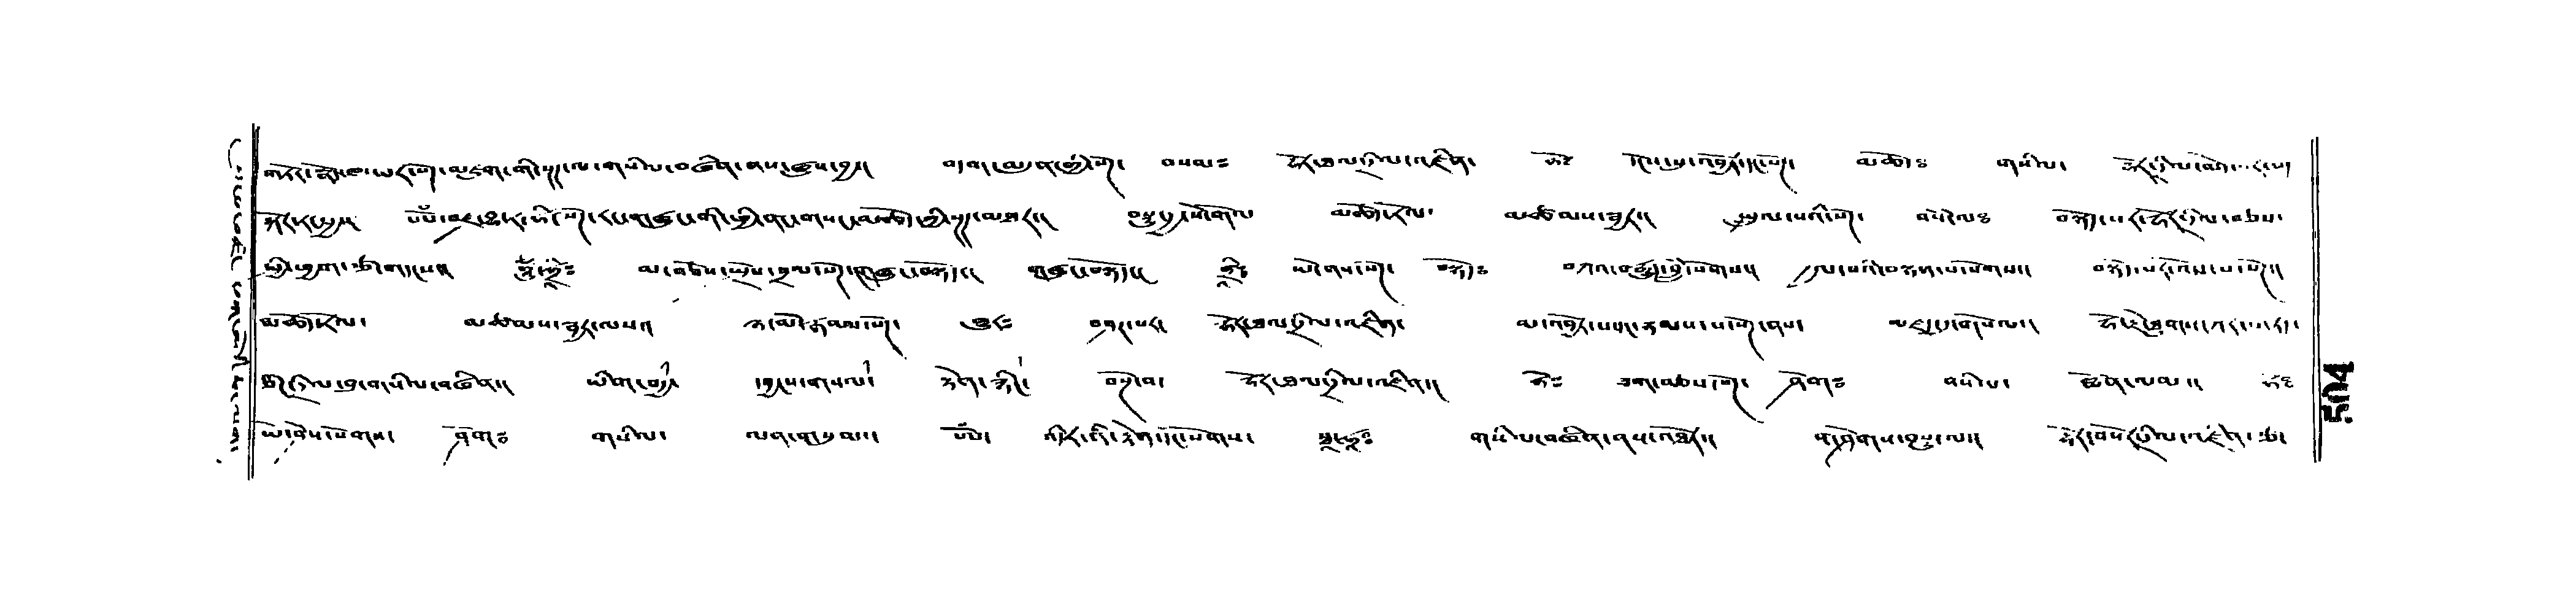གཏོར་སྣོད་ཁ་ཡར་སོགས་མཇུག་གི་སྔགས་ལ་གསིལ་བཞིན་ནས་ཞུས་བྱ། བདག་མདུན་གྱི་སོགས། བསམ༔ རྡོར་ཐལ་དྲིལ་འཛིན། ཧོཿ དངོས་སུ་འབྱོར་དང་སོགས། མཆོད༔ གསིལ། རྡོར་དྲིལ་མེད། པད་
ཀོར་རང་རྒྱ། ཨོཾ་བཛྲ་བྷ་ར་ཧི་སོགས་རང་གཞུང་གི་ཕྱི་ནང་གསང་མཆོད་ཀྱི་སྔགས་མཐར། བསྡུ་རྒྱ་སེ་གོལ། མཆོད་རོལ། མཚམས་སྦྱར། སྤྲུལ་པའི་སོགས། བསམ་ལ༔ བསྟོད་པར་རྡོར་དྲིལ་བཅས་
སྤྱི་ཕྱག་རྩ་གདངས། ཧཱུྃ་ཧྲཱིཿ མ་བཅོས་སྤྲོས་བྲལ་སོགས་གཞུང་བསྟོད། གཞུང་བསྟོད། ཧྲཱིཿ ཡེ་ནས་སོགས། བསྟོད༔ བཀའ་བརྒྱུད་བླ་མ་སོགས། རྒྱལ་བའི་བསྟན་པ་སོགས། བསྟོད་པར་འོས་པ་སོགས། 
མཆོད་རོལ། མཚམས་སྦྱར་ལས། ལྷ་མོ་རྣམས་སོགས། གྱུར༔ བཤགས་པར། རྡོར་ཐལ་དྲིལ་འཛིན། མ་འབྱོར་པ་དང་ཉམས་པ་སོགས་ནས། མཛད་དུ་གསོལ། རྡོ་རྗེ་ཐུགས་ཀར་གཏད་
ཅིང་དྲིལ་བུ་གསིལ་བཞིན། ཡིག་བརྒྱ་གཅིག དབྱངས་གསལ་གཅིག རྟེན་སྙིང་གཅིག བསྔོ་བ། རྡོར་ཐལ་དྲིལ་འཛིན། ཧོཿ ཟག་བཅས་སོགས། ས ཤོག༔ བསིལ། སྨོན་ལམ། ཧོཿ 
ཡེ་ཤེས་སོགས། ཤོག༔ གསིལ། ལན་གསུམ། ཨོཾ། འདིར་ནི་རྟེན་དང་སོགས། སྭཱ་ཧཱཿ གསིལ་བཞིན་ནས་འཐོར། གཤེགས་བསྡུ་ལ། རྡོར་བསོར་དྲིལ་འཛིན་རྩ་